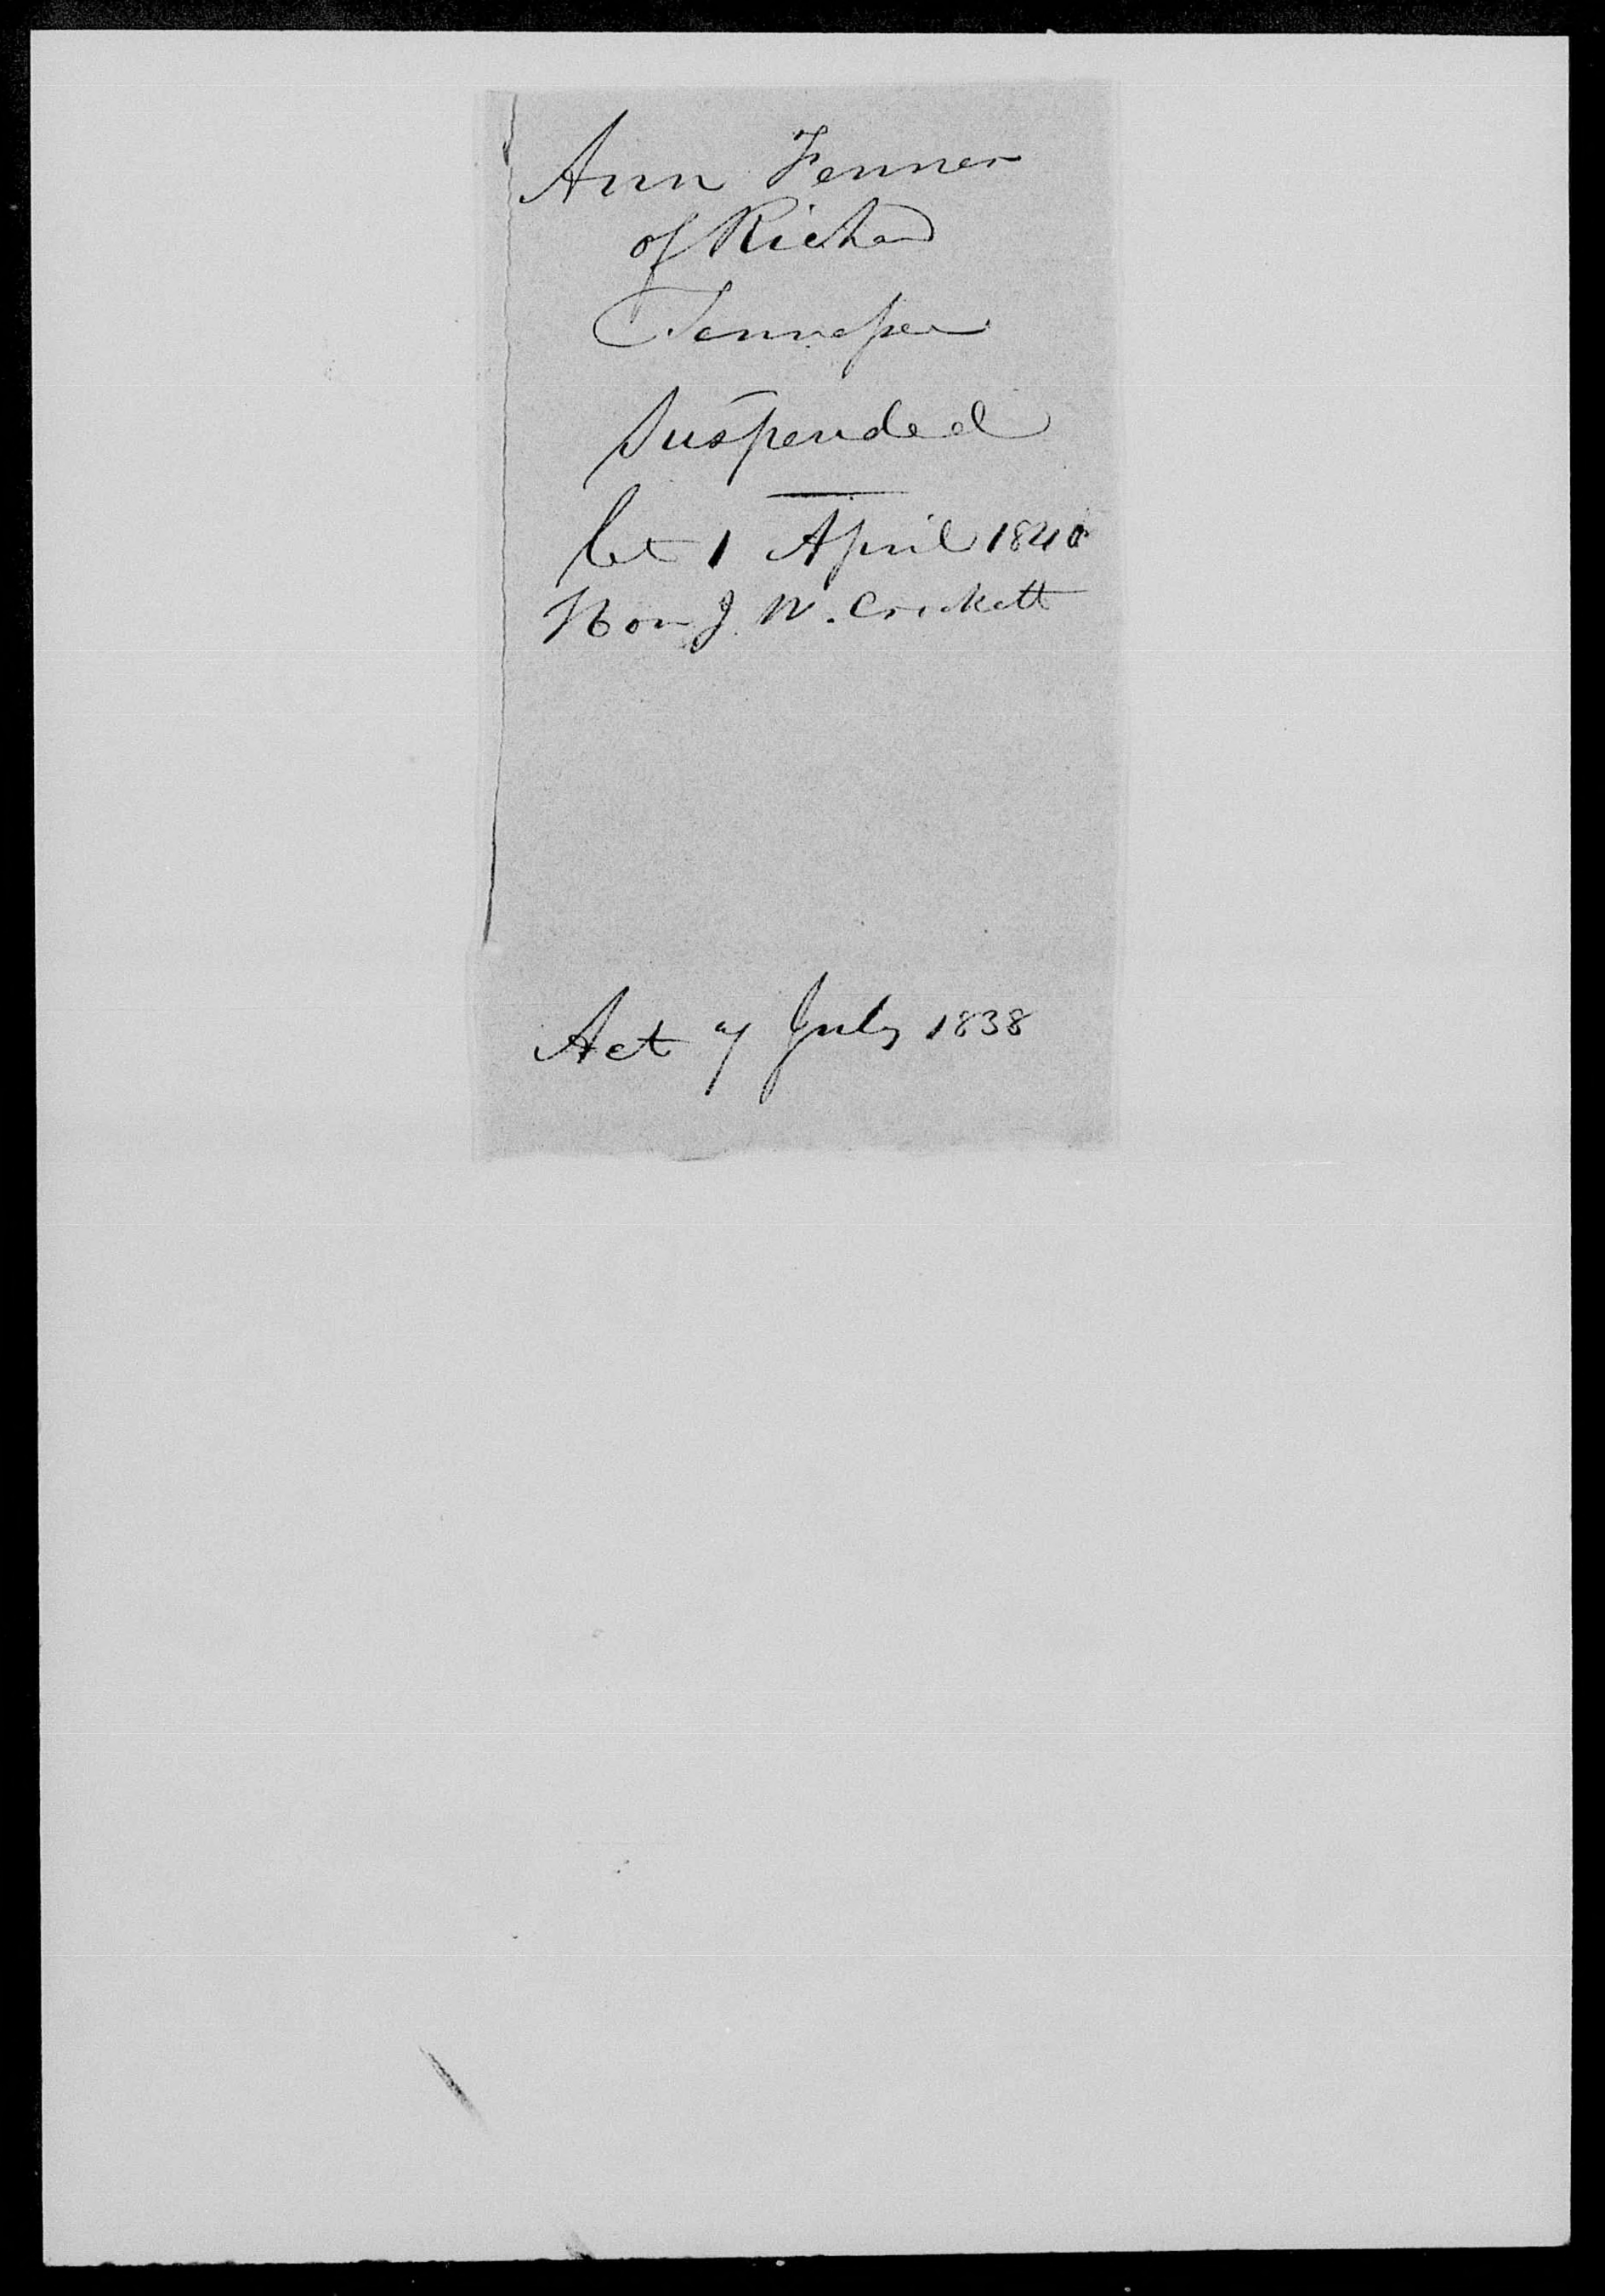Ann Fenner
of Richard

Tennessee

Suspended

Ct. 1 April 1840

Hon. J. W. Crockett

Act 7 July 1838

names: Ann Fenner, Richard Fenner, J W Crockett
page: 11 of 39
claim: widow's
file: W. 789, Richard Fenner, N.C.